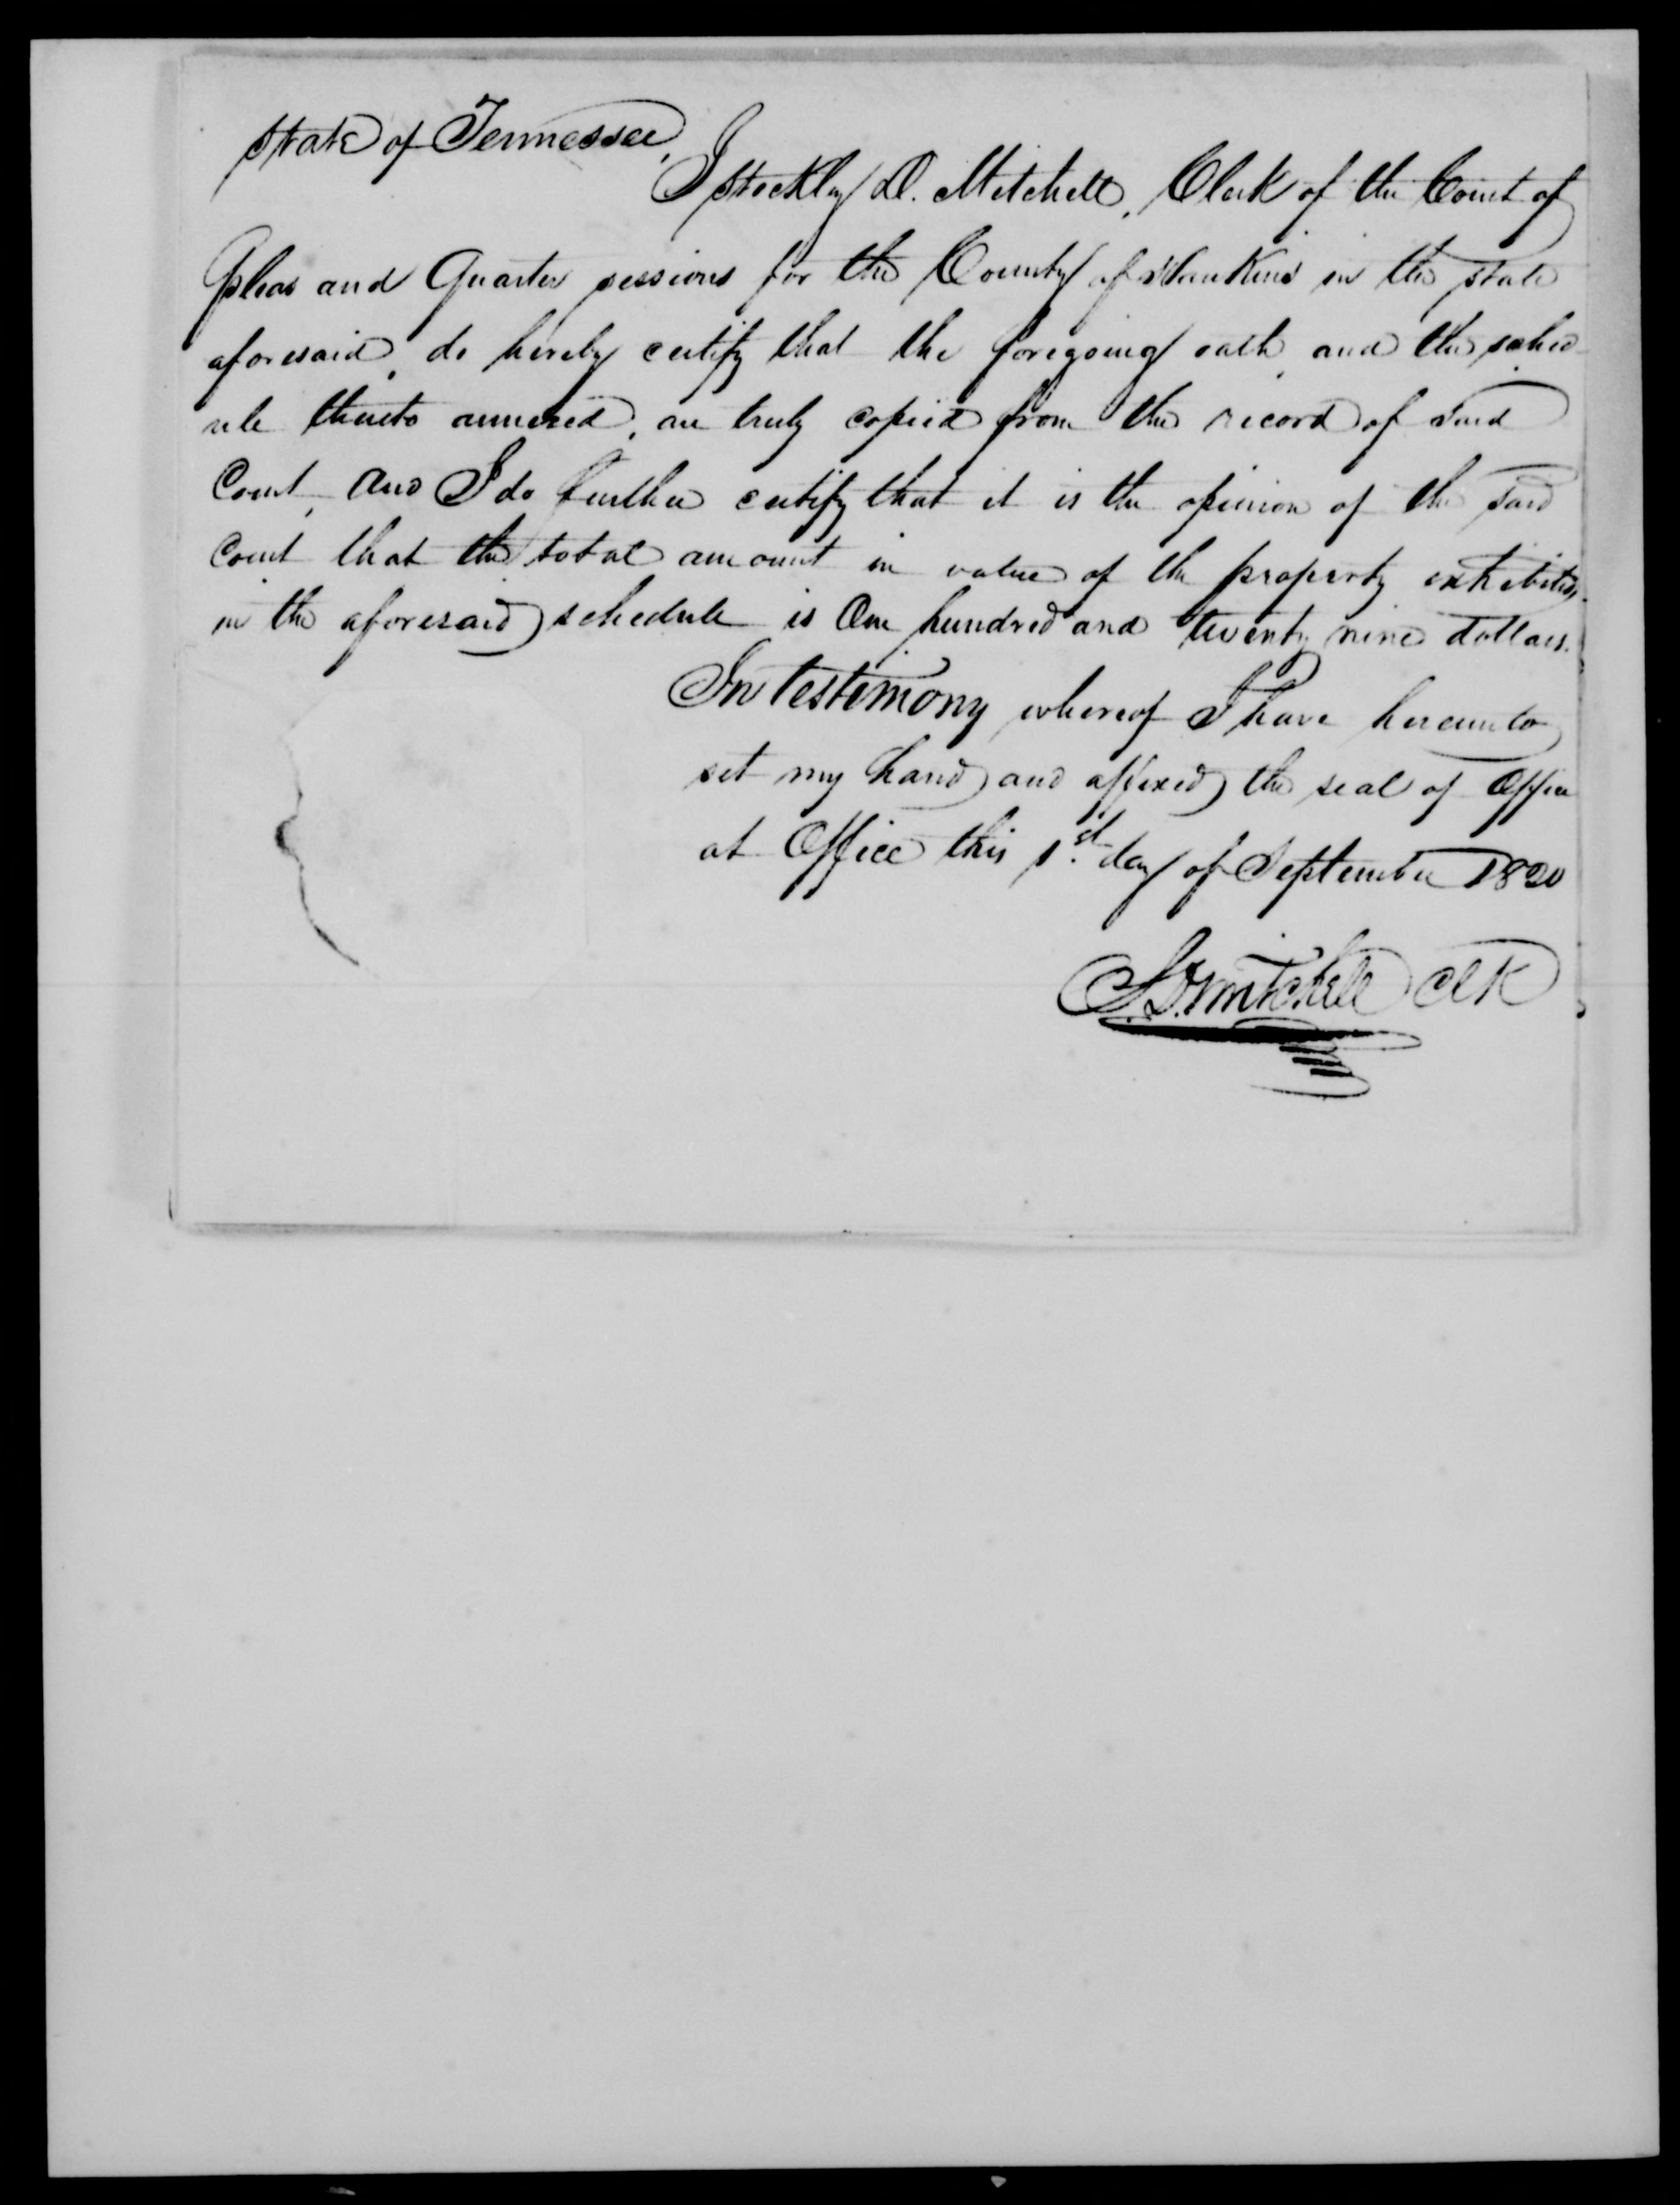State of Tennessee
I Stockley D. Mitchell, Clerk of the Court of
pleas and Quarter sessions for the County of Hawkins in the State
aforesaid, do hereby certify that the foregoing oath and the [illegible]
thereto annexed are truly copied from the record of said
Court and I do further certify that it is the opinion of the said
Court that the total amount in value of the property exhibited
in the aforesaid schedule is One hundred and twenty nine dollars

SEAL

In testimony whereof I have hereunto,
set my hand and affixed the seal of Office
at Office this 1st day of September 1820
S D Mitchell Clk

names: S D Mitchell; Stockley D Mitchell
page: 19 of 79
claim: widow's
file: W. 1504, for Robert Smith, North Carolina